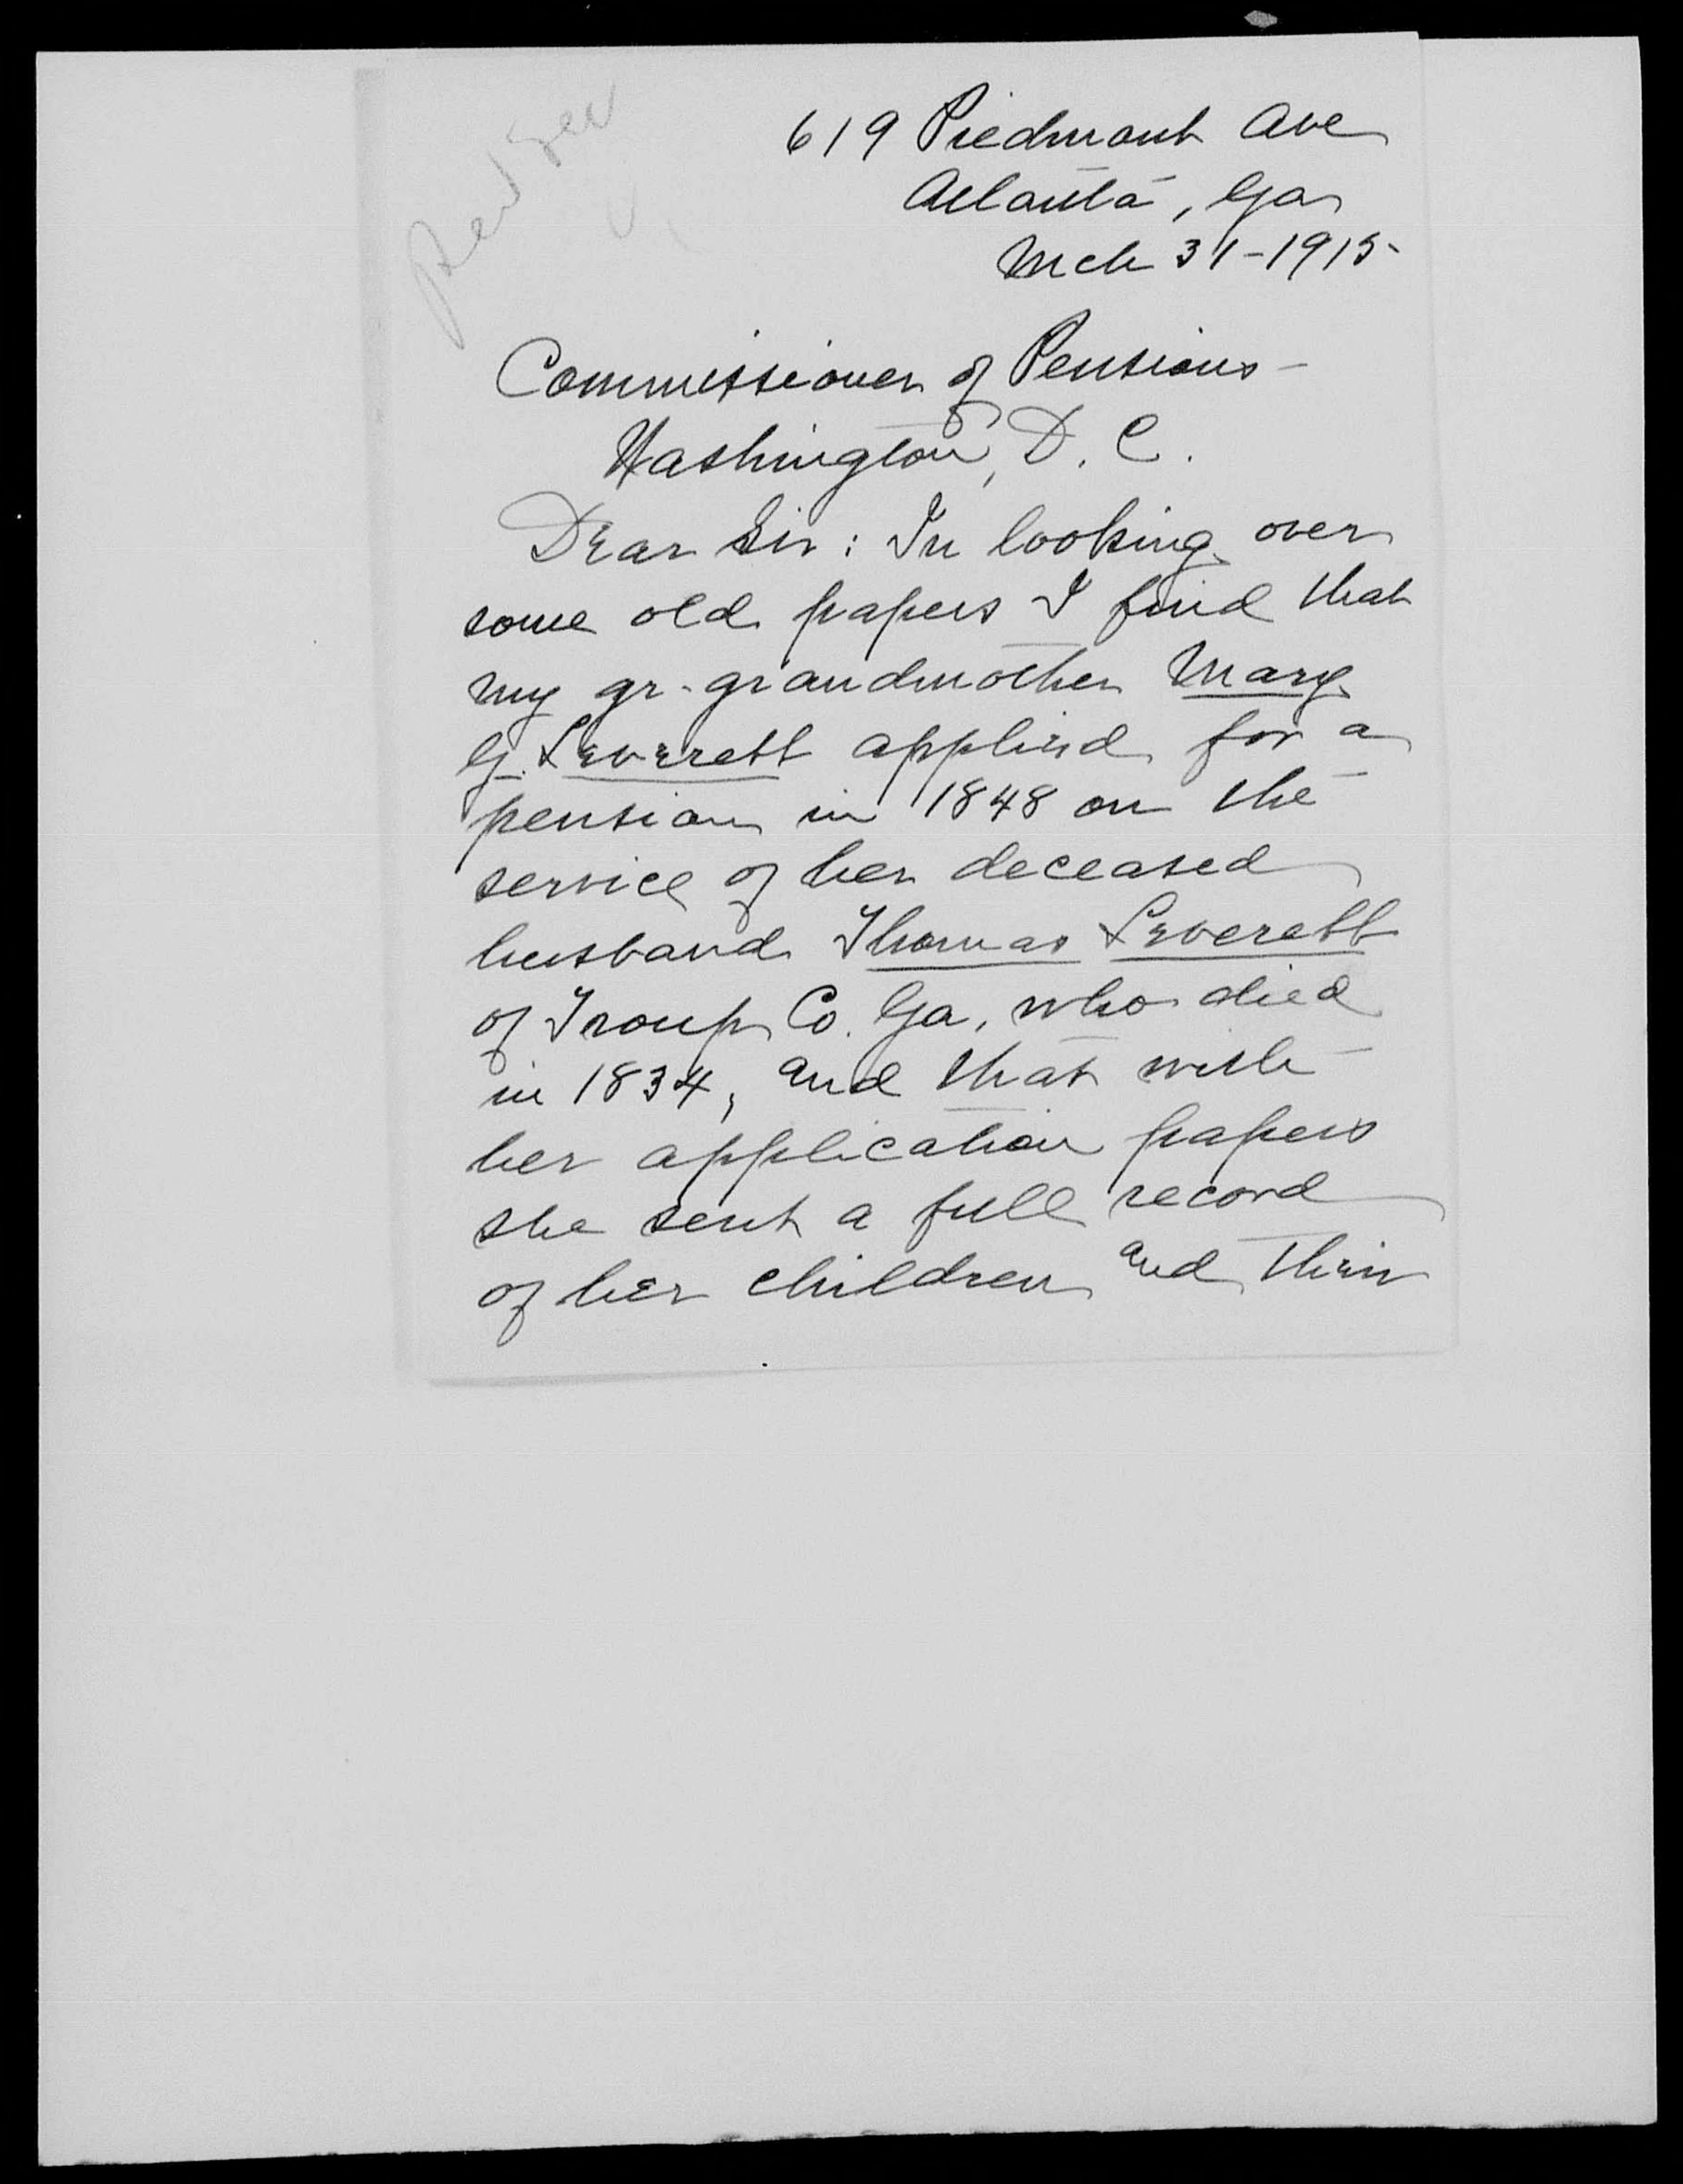619 Piedmont Ave
Atlanta, Georgia
March 31-1915
Commissioner of Pensions-
Washington D.C.

Dear Sir: In looking over some old papers I find that my grandmother Mary G. Leverett applied for pension in 1848 on the service of her deceased husband Thomas Leverett of Troup County Georgia. who died in 1834, and that with her application papers she sent a full record of her children and their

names: Thomas Leverett, Mary G Leverett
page: 52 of 63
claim: widow's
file: W. 4175, Joseph Davidson, N.C.